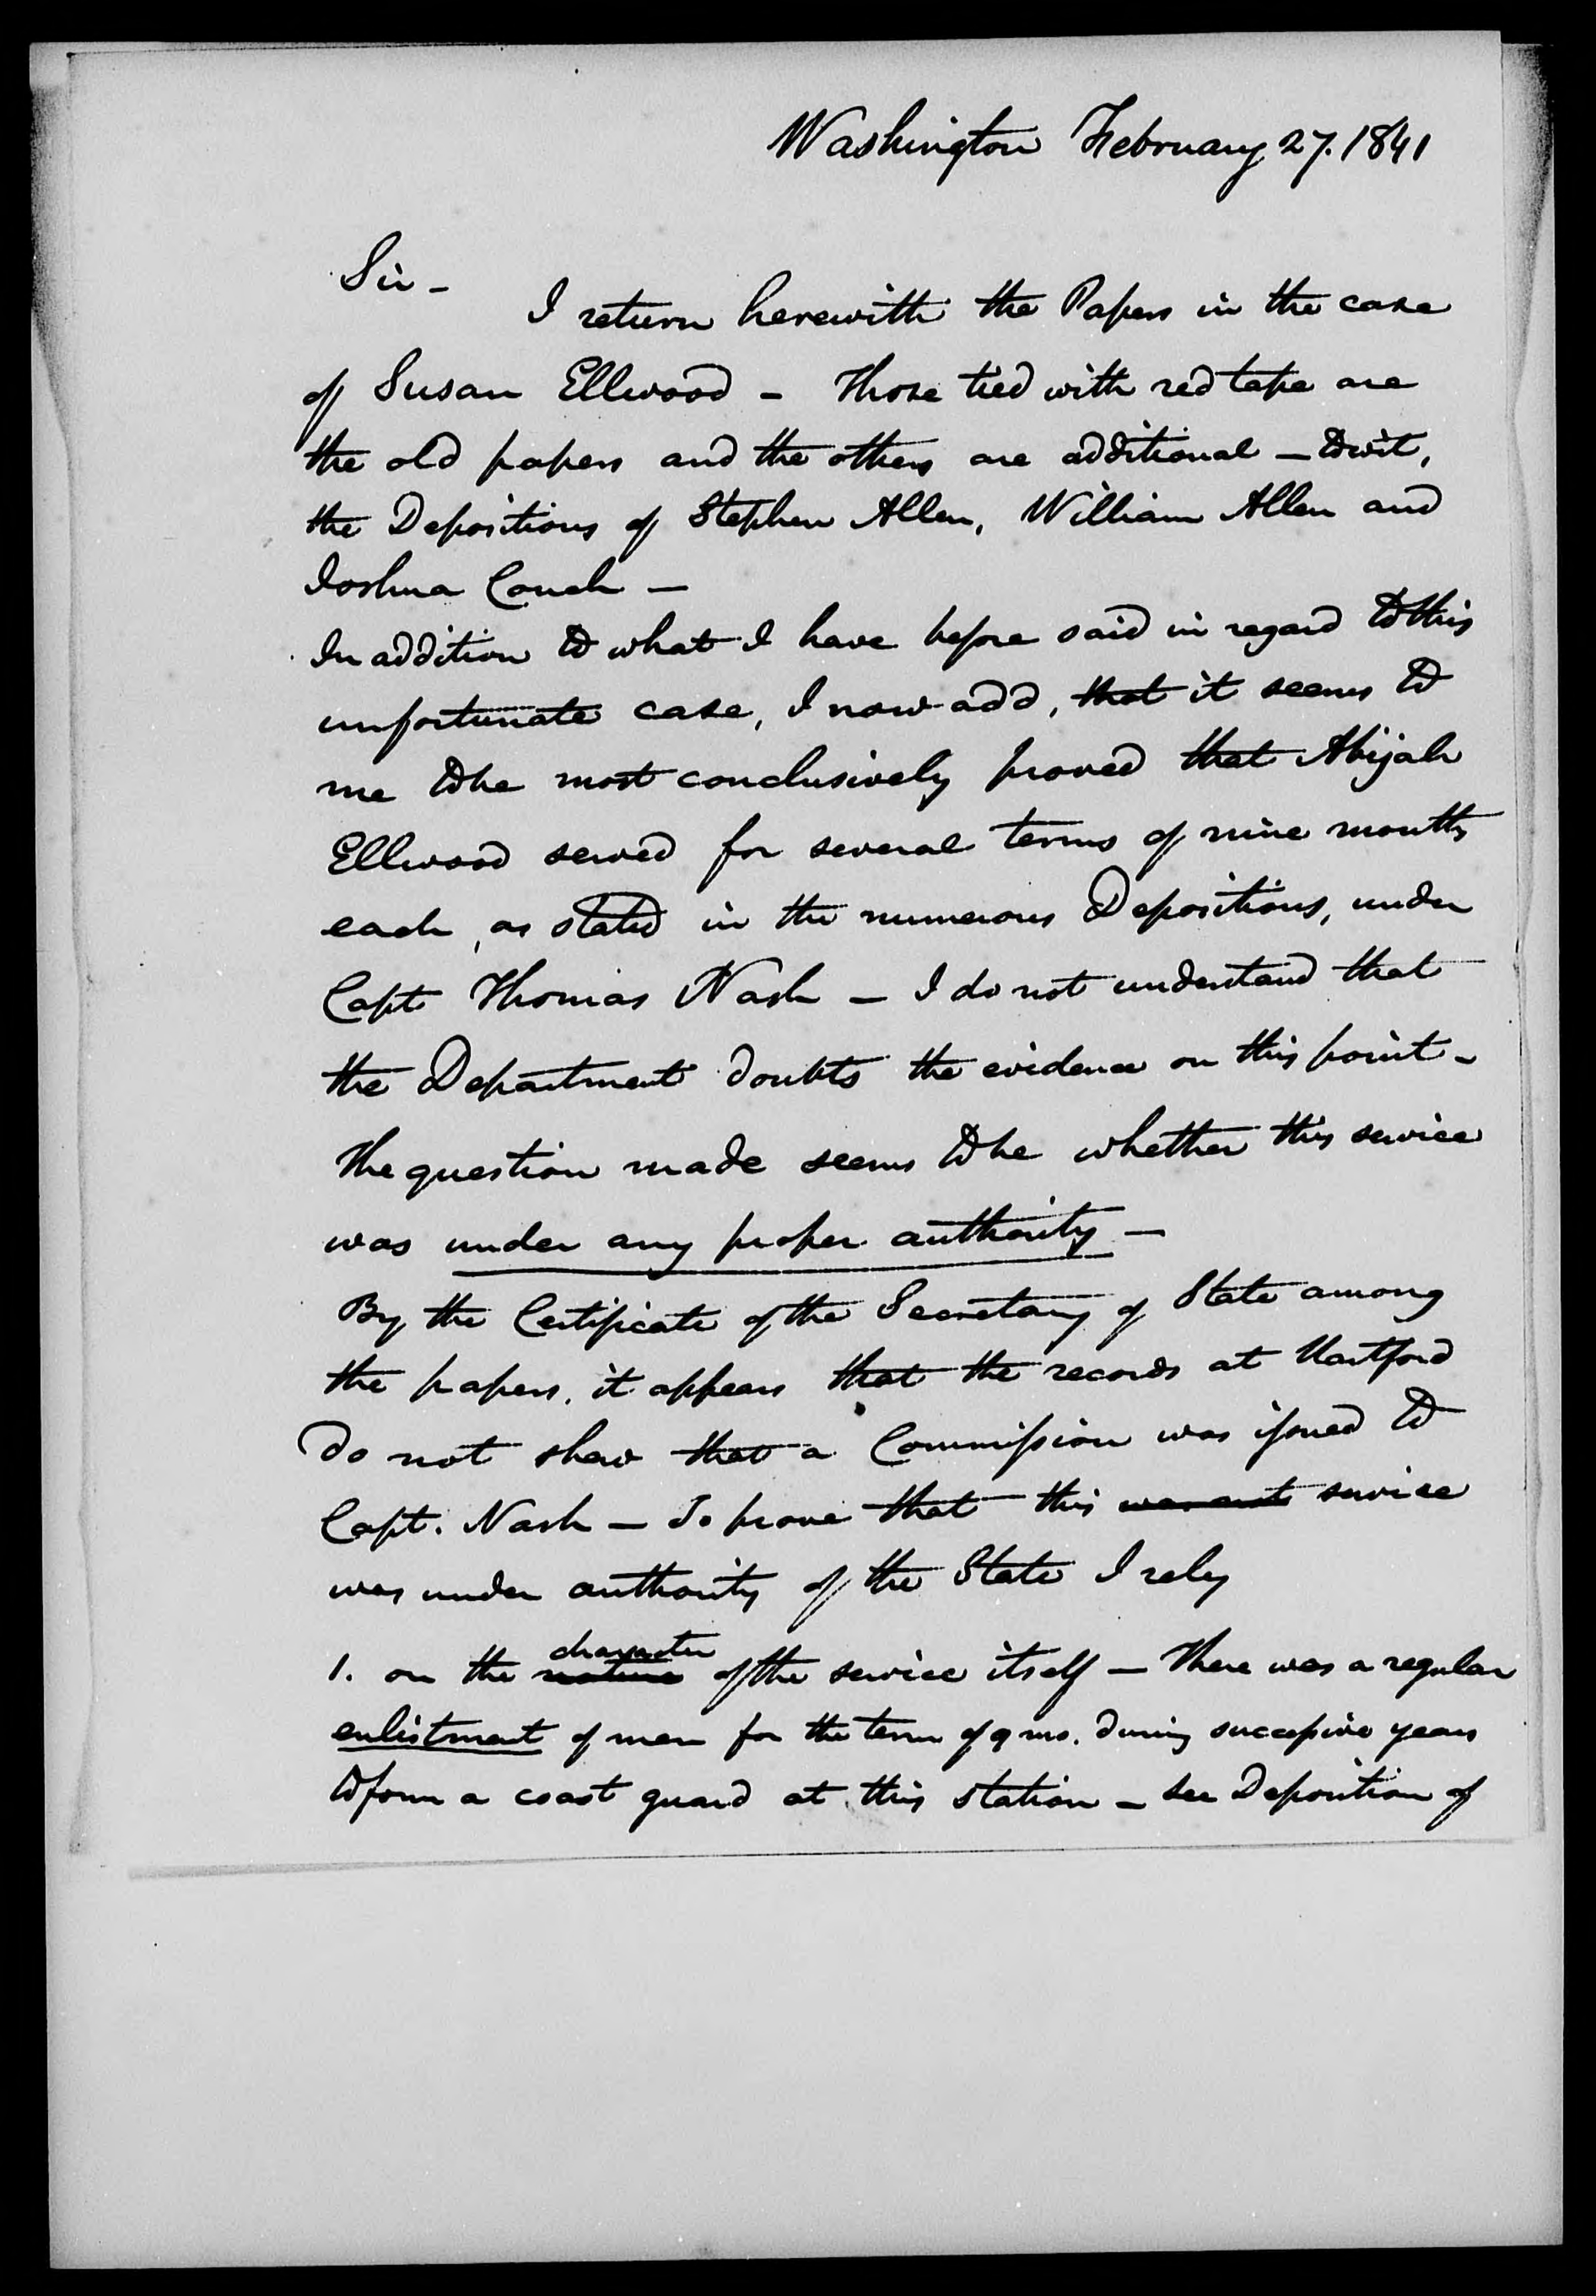Washington February 27, 1841

Sir-

I return herewith the papers in the case of Susan Ellwood-those tied with red tape are the old papers and the others are additional- to wit, the Depositions of Stephen Allen, William Allen and Joshua Couch-
In addition to what I have before said in regard to this unfortunate case, I now ass, that it seems to me the most conclusively proves that Abijah Ellwood served for several terms of nine months each, as stated in the numerous Depositions,  under Capt. Thomas Nash-I do not understand that the Department doubts the evidence on this point-the question made seems  to be whether this service was under any proper authority- By the certificate of the Secretary of State among the papers, it appears that the records at Hartford do not show that a commission was  informed to Capt Nash-to prove that this service was under authority of the State I reply
1. on the [unk] of the service itself- there was a regular enlistment of men for the term of 9 mo, during [unk] years to form a coast guard at this station-see definition of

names: William Allen, Joshua Couch, Abijah Ellwood, Susan Ellwood, Stephen Allen, Thomas Nash, Nash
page: 42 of 69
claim: widow's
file: W. 25562, Abijah Elwood, Conn.